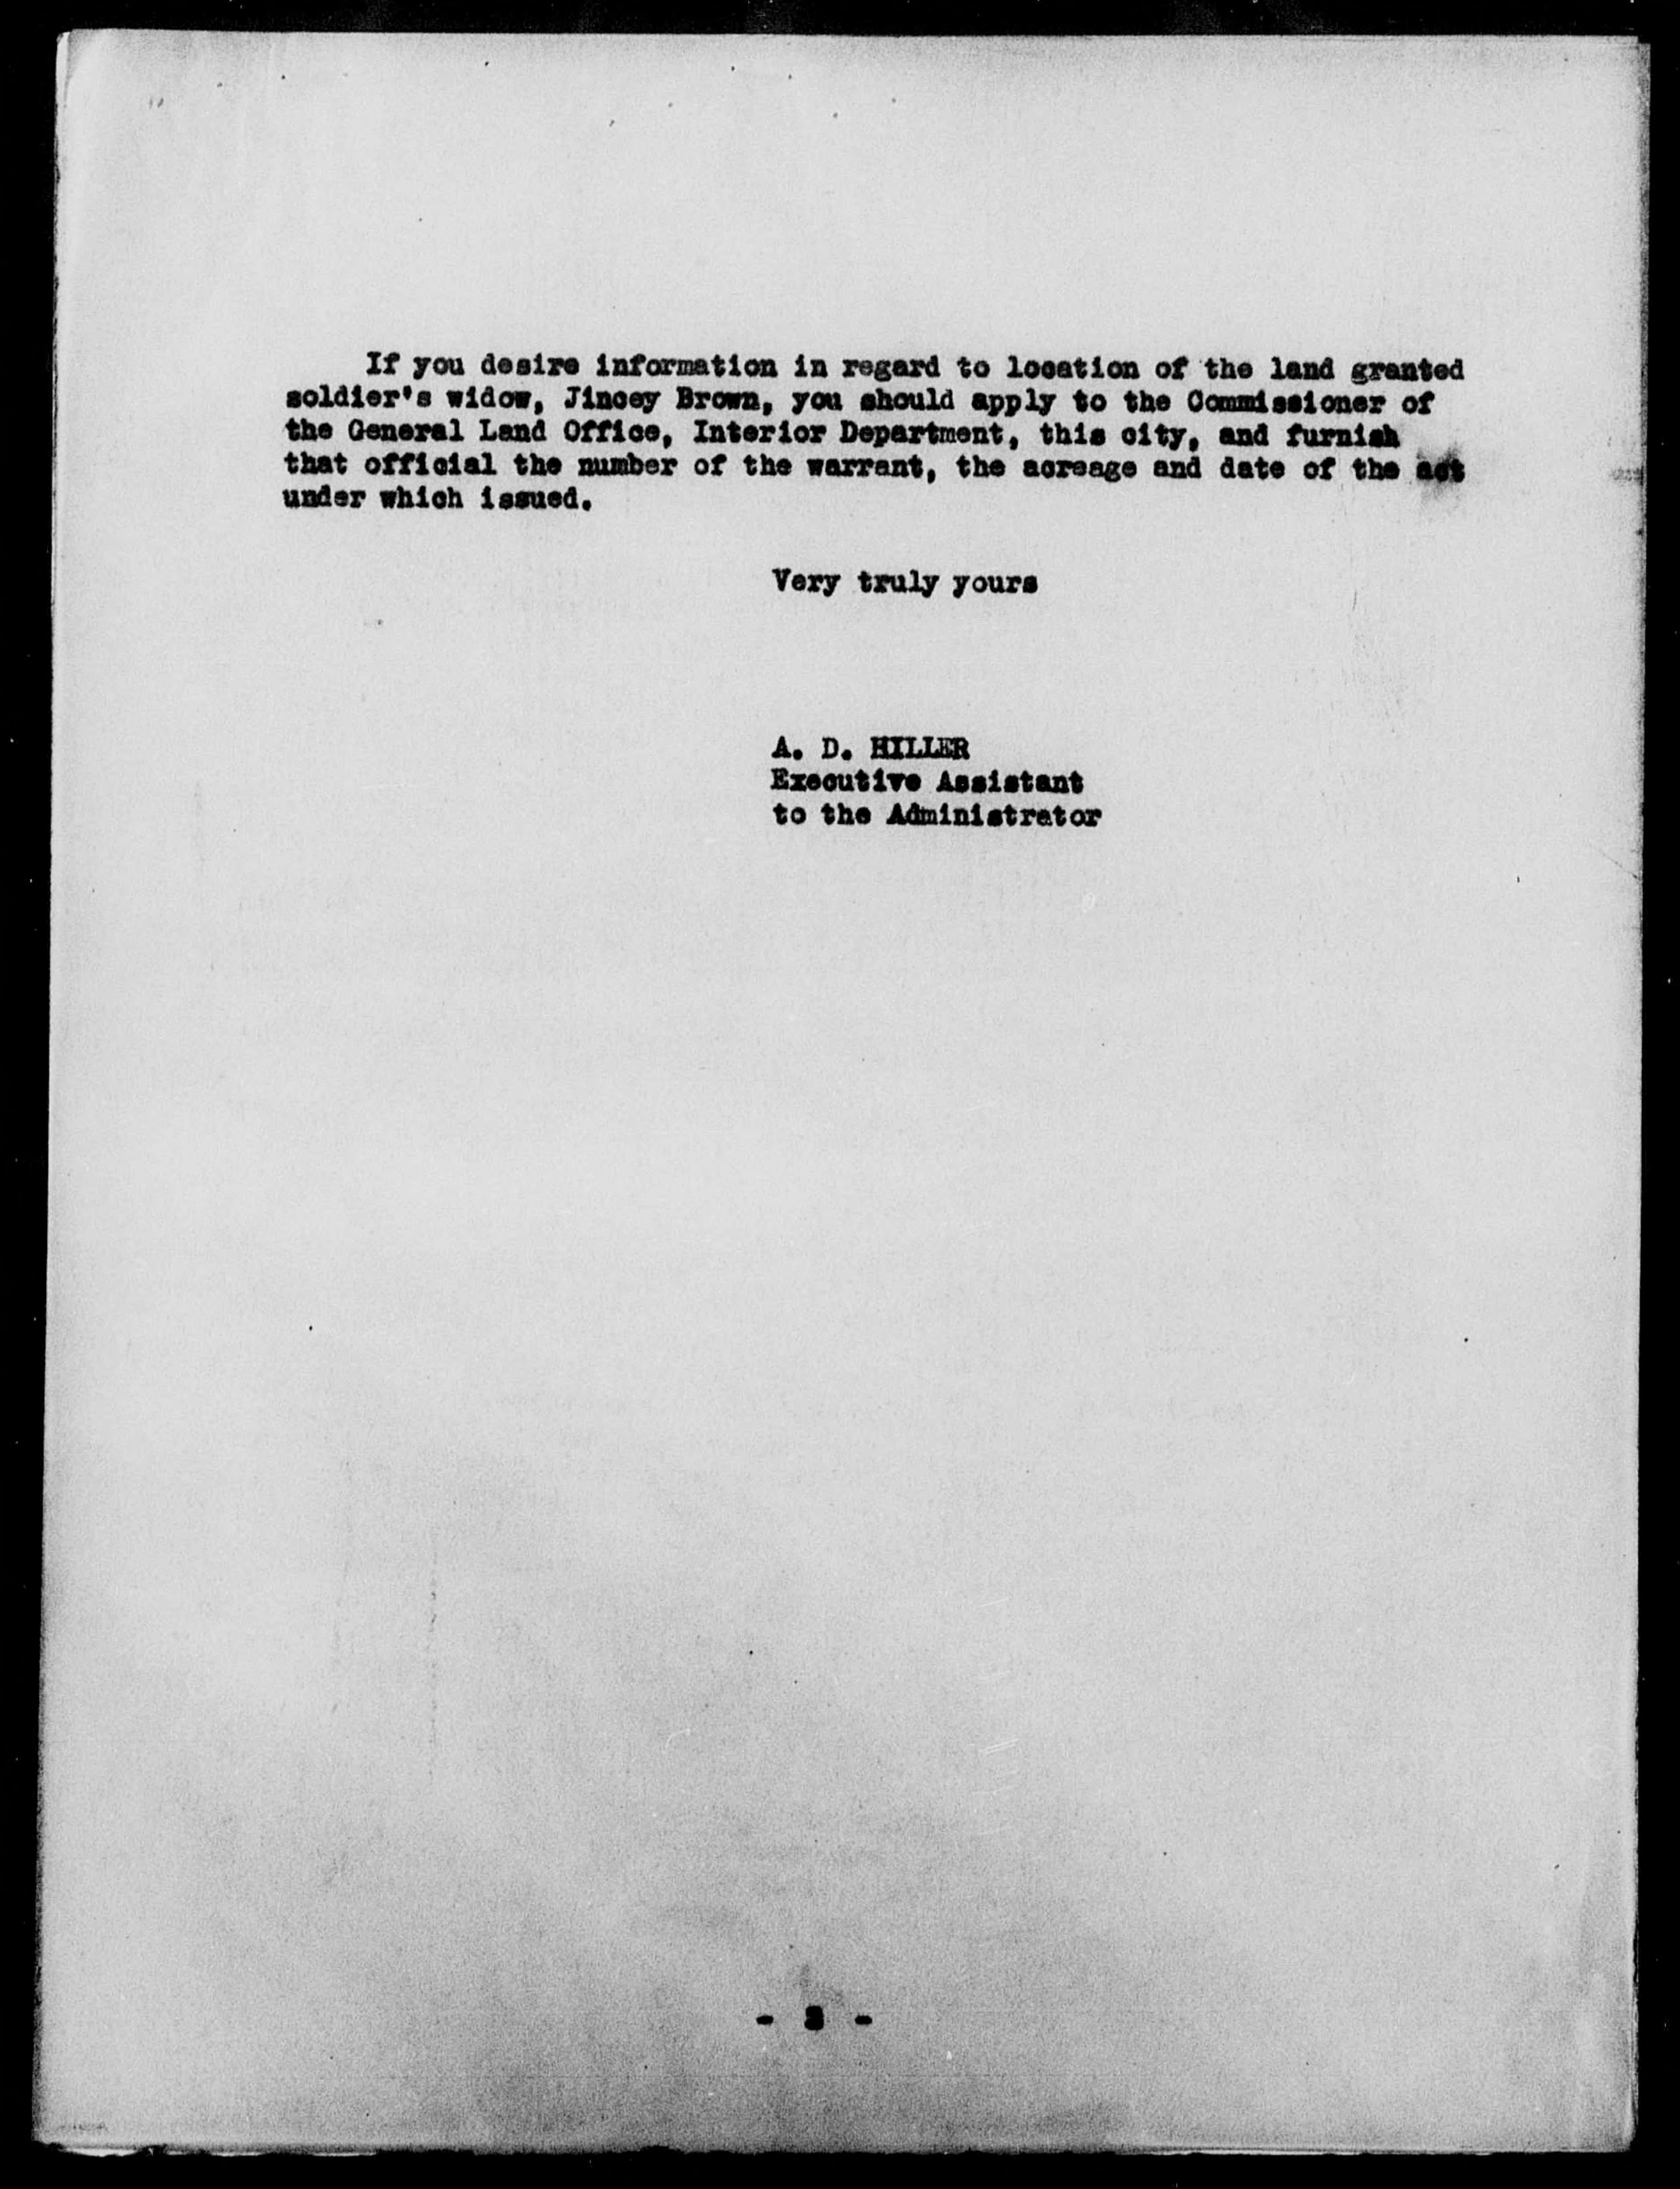If you desire information in regard to location of the land granted soldier's widow, Jincey Brown, you should apply to the Commissioner of the General Land Office, Interior Department, this city, and furnish 
that official the number of the warrant, the acreage and date of the  act under which issued.

Very truly yours
A. D. HILLER
Executive Assistant to the Administrator

-3-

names: A D Hiller, Jincey Brown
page: 29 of 85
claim: widow's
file: W. 5,906, John Brown, S.C.